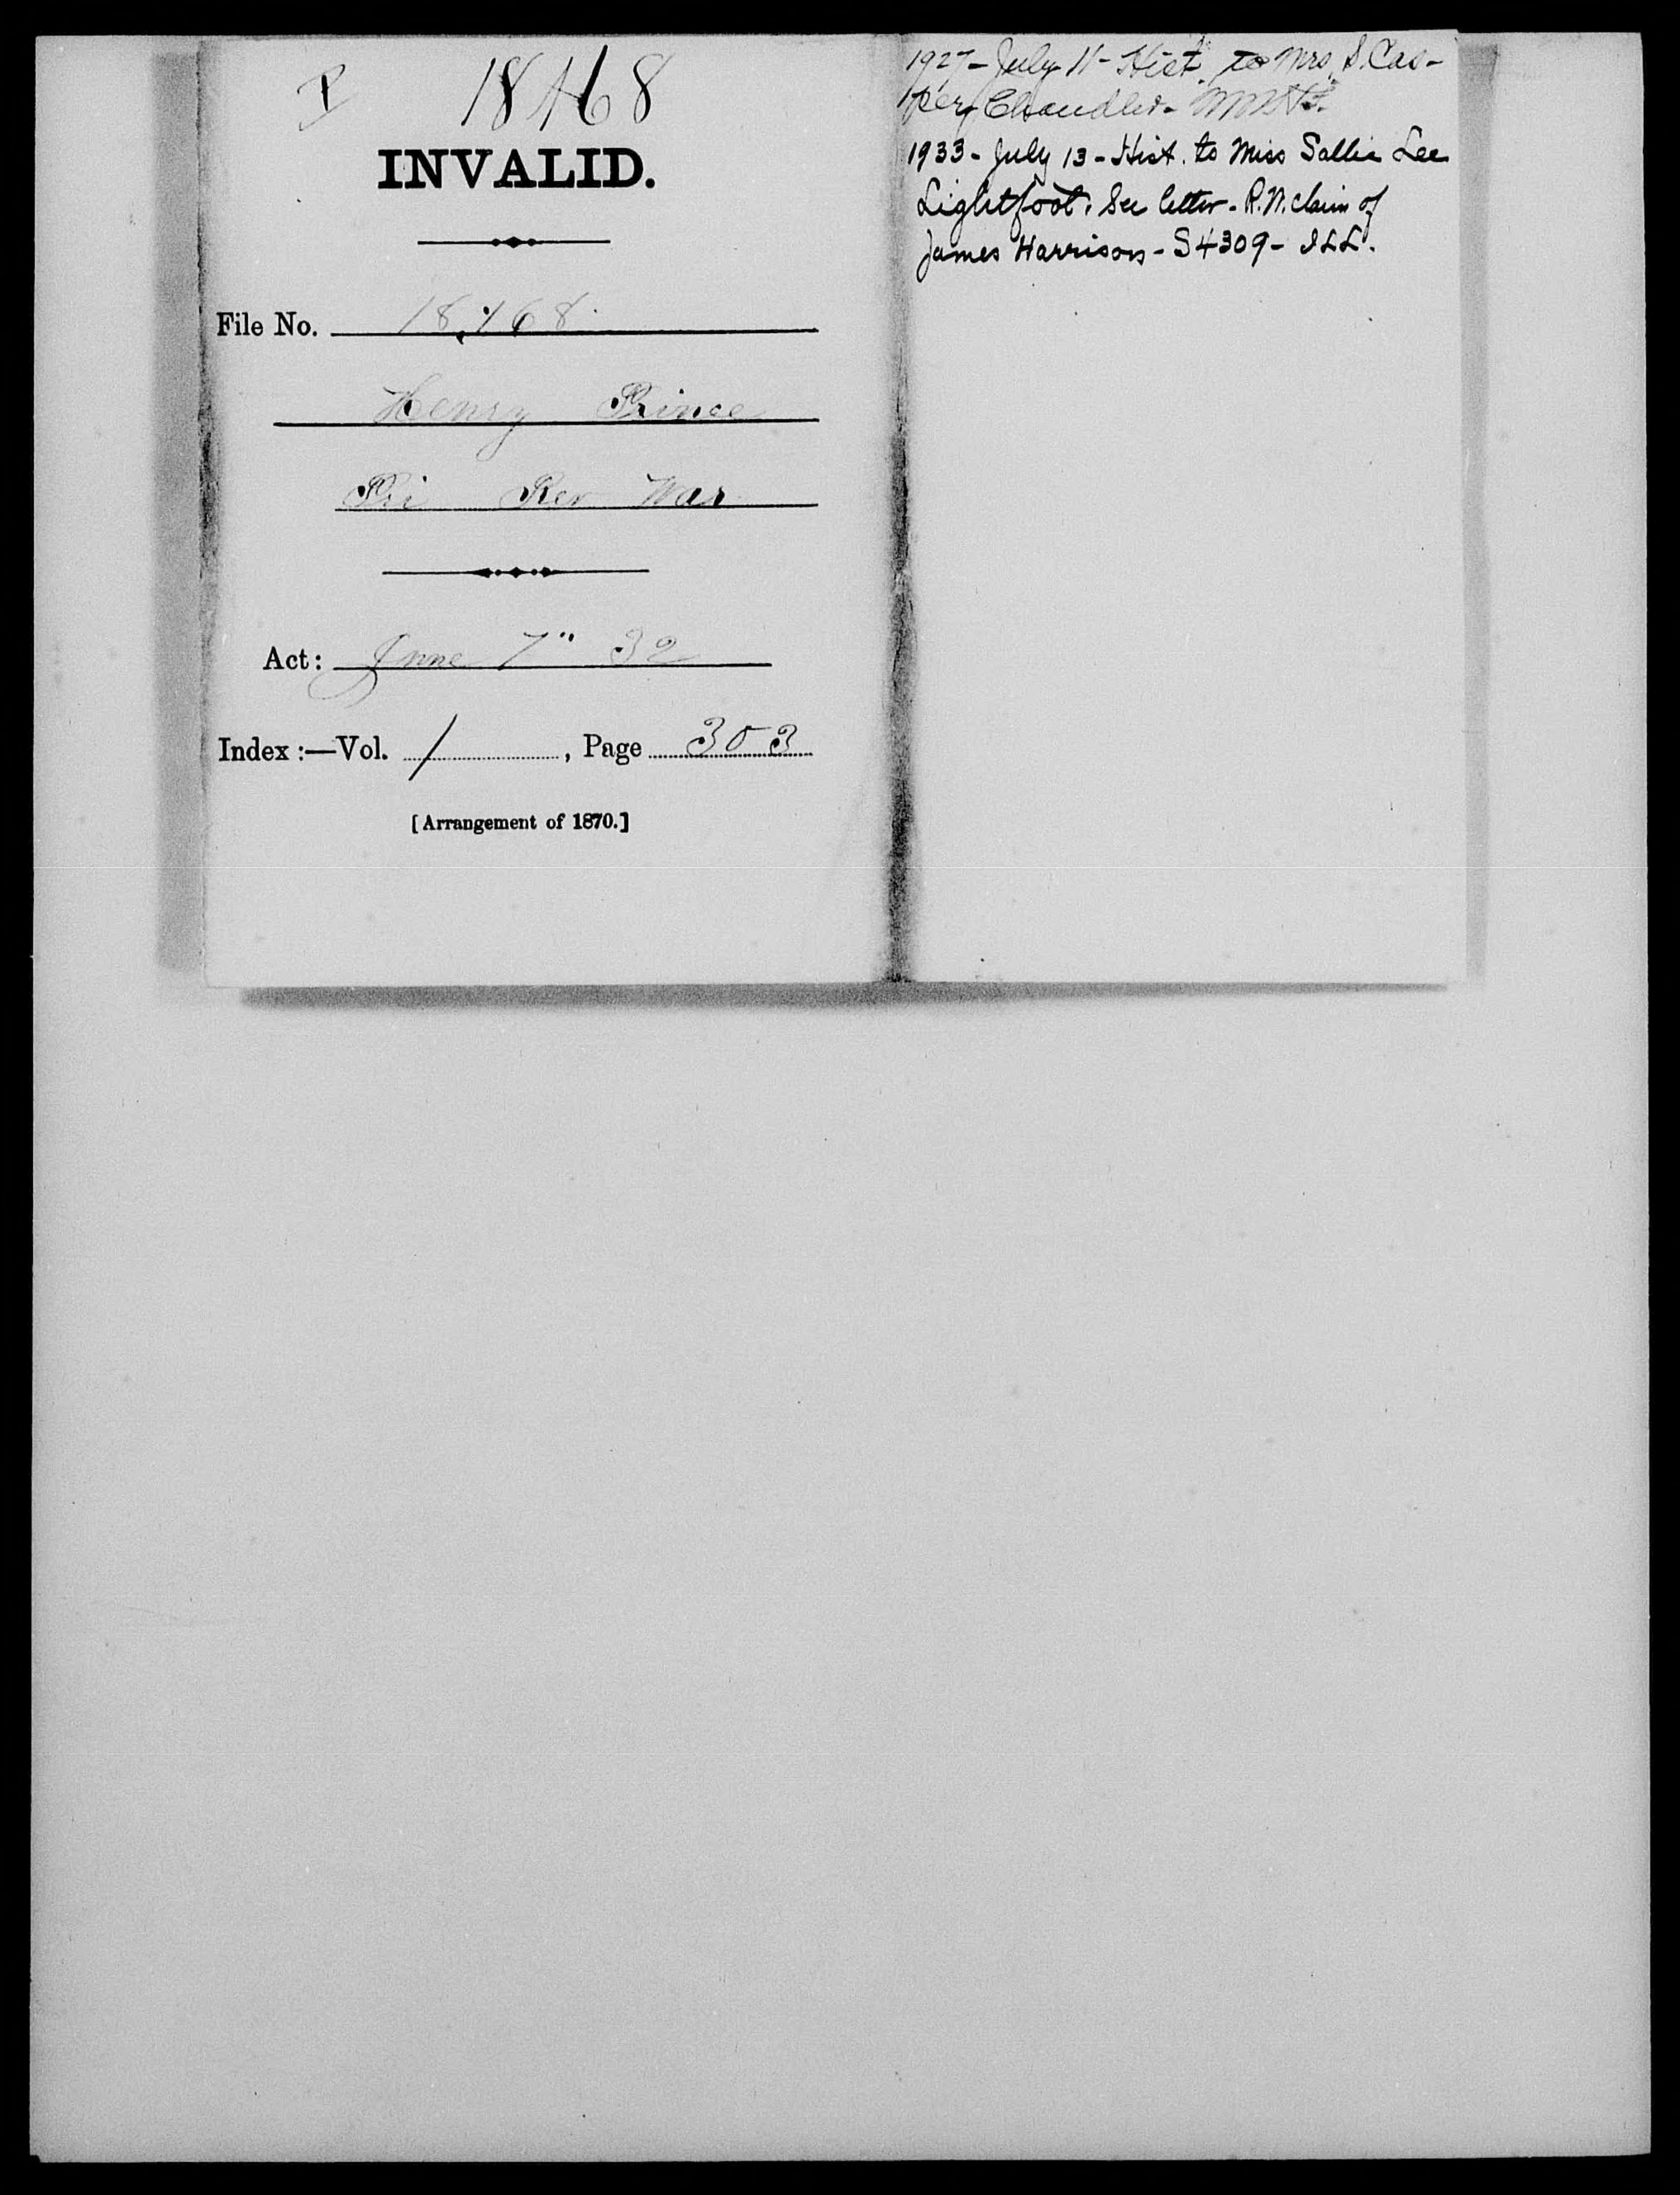P   18468
   Invalid
-----------------------
File No. 18468
   Henry Prince
   Pri Rev War
------------------------
Act: June 7th 32
Index:-Vol. 1, Page 303

   [ Arrangement of 1870.]


1927 - July 11 - Hist. to Mrs S Casper Chandler MMH

1933 - July 13 - Hist. to Miss Sallie Lee Lightfoot. Sec Letter R N claim of James Harrison - S4309 - JLL.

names: Sallie Lee Lightfoot; S Casper Chandler; Henry Prince; James Harrison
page: 10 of 23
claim: survivor's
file: S. 18,168, for Henry Prince, South Carolina